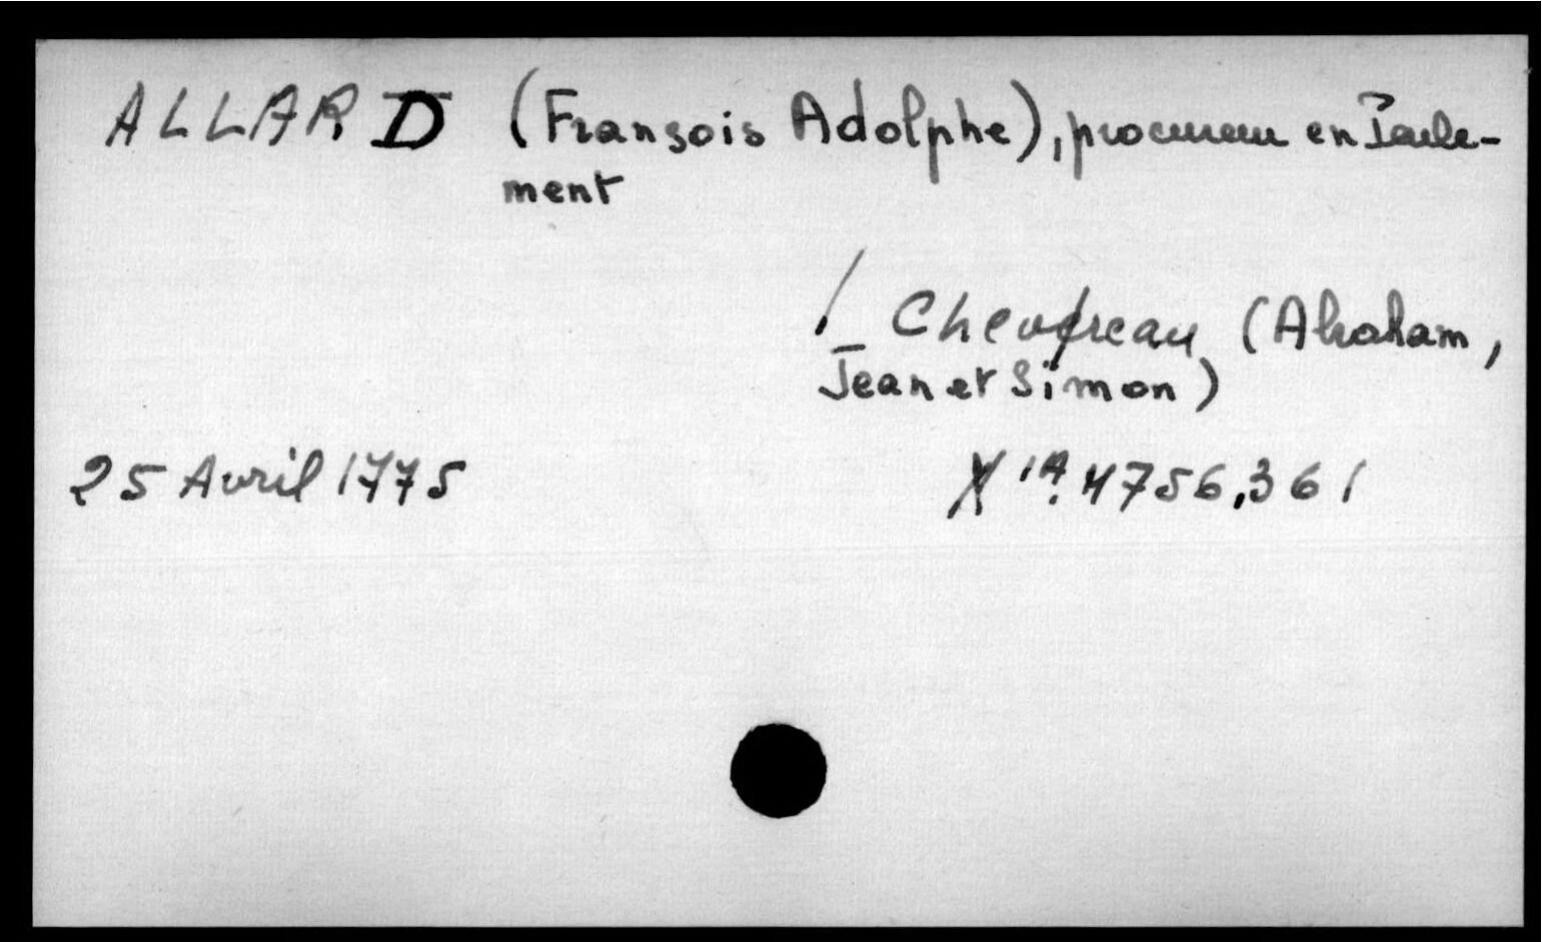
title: ALLARD (François Adolphe), procureur en Parlement.
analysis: Contre Chevreau (Abraham, Jean et Simon)
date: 25 avril 1775
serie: X1A
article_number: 4756
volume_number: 361
